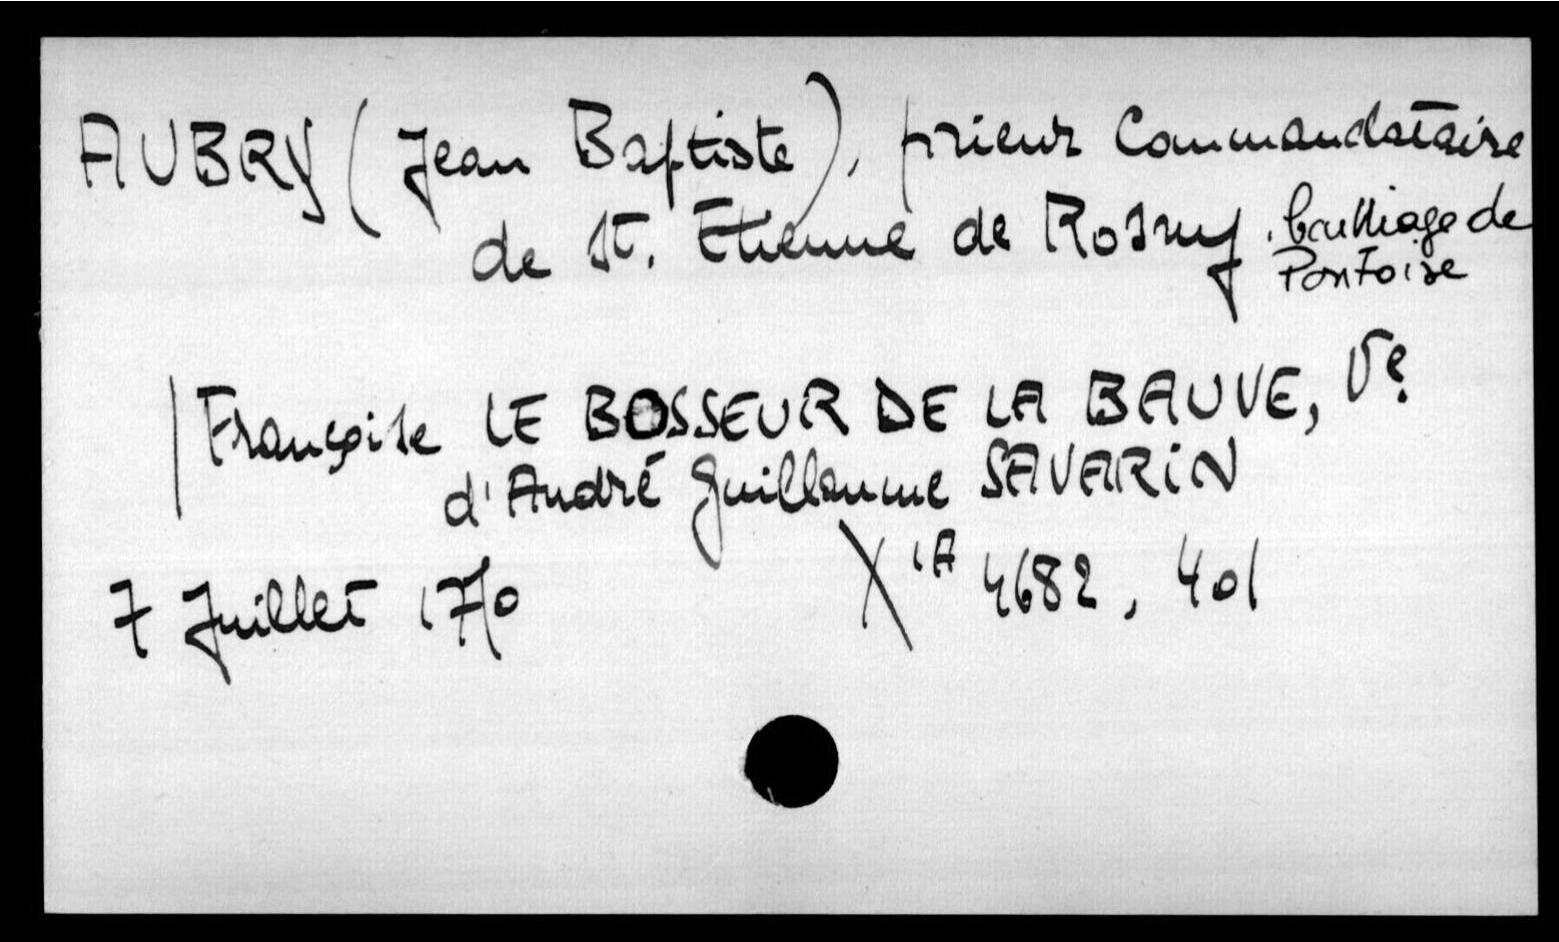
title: AUBRY (Jean Baptiste), prieur commandataire de Saint-Étienne de Rosny, bailliage de Pontoise
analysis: Contre Françoise LE BOSSEUR DE LA BAUVE, Veuve d'André Guillaume SAVARIN
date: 7 juillet 1770
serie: X1A
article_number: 4682
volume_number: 401
